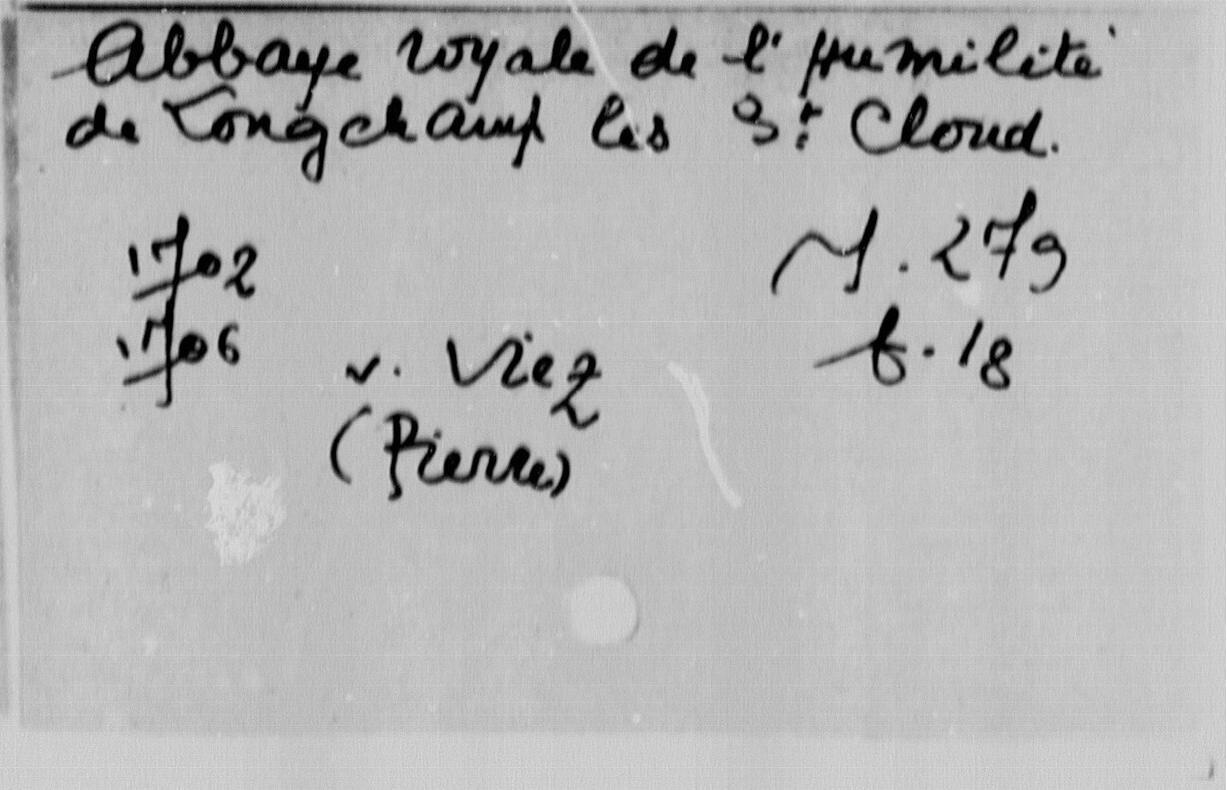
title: ABBAYE ROYALE DE L'HUMILITÉ DE LONGCHAMP LES SAINT-CLOUD
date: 1702-1706
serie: Y
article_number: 279
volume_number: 18
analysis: Voir VIEZ (Pierre)
